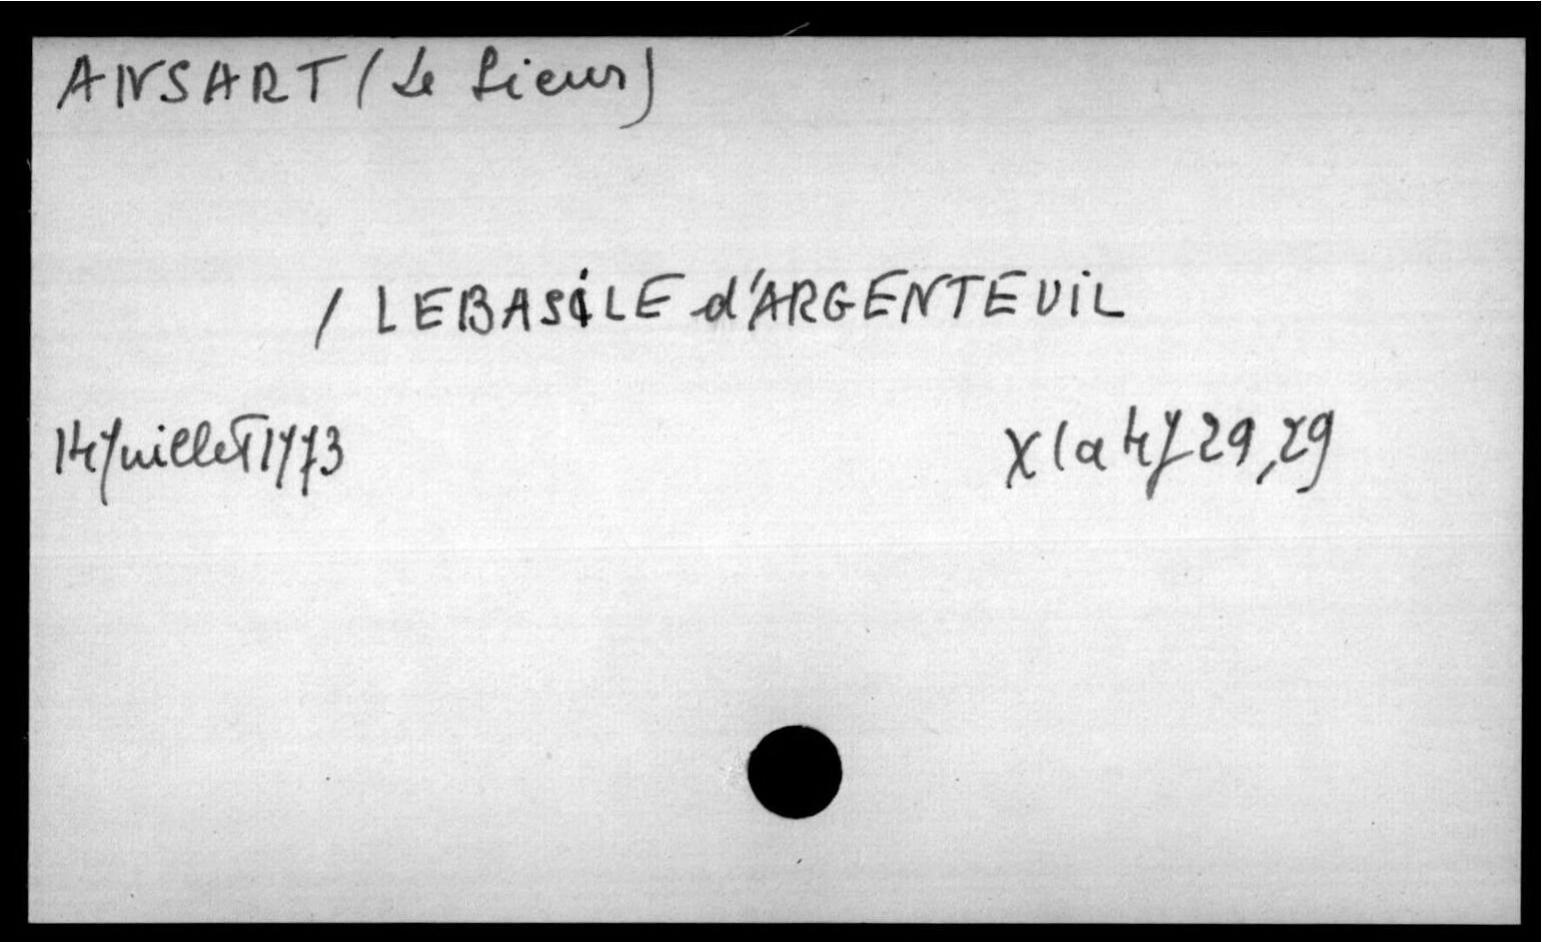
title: ANSART (le sieur)
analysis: Contre LEBASILE d'ARGENTEUIL
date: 14 juillet 1773
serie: X1a
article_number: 4729
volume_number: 29
